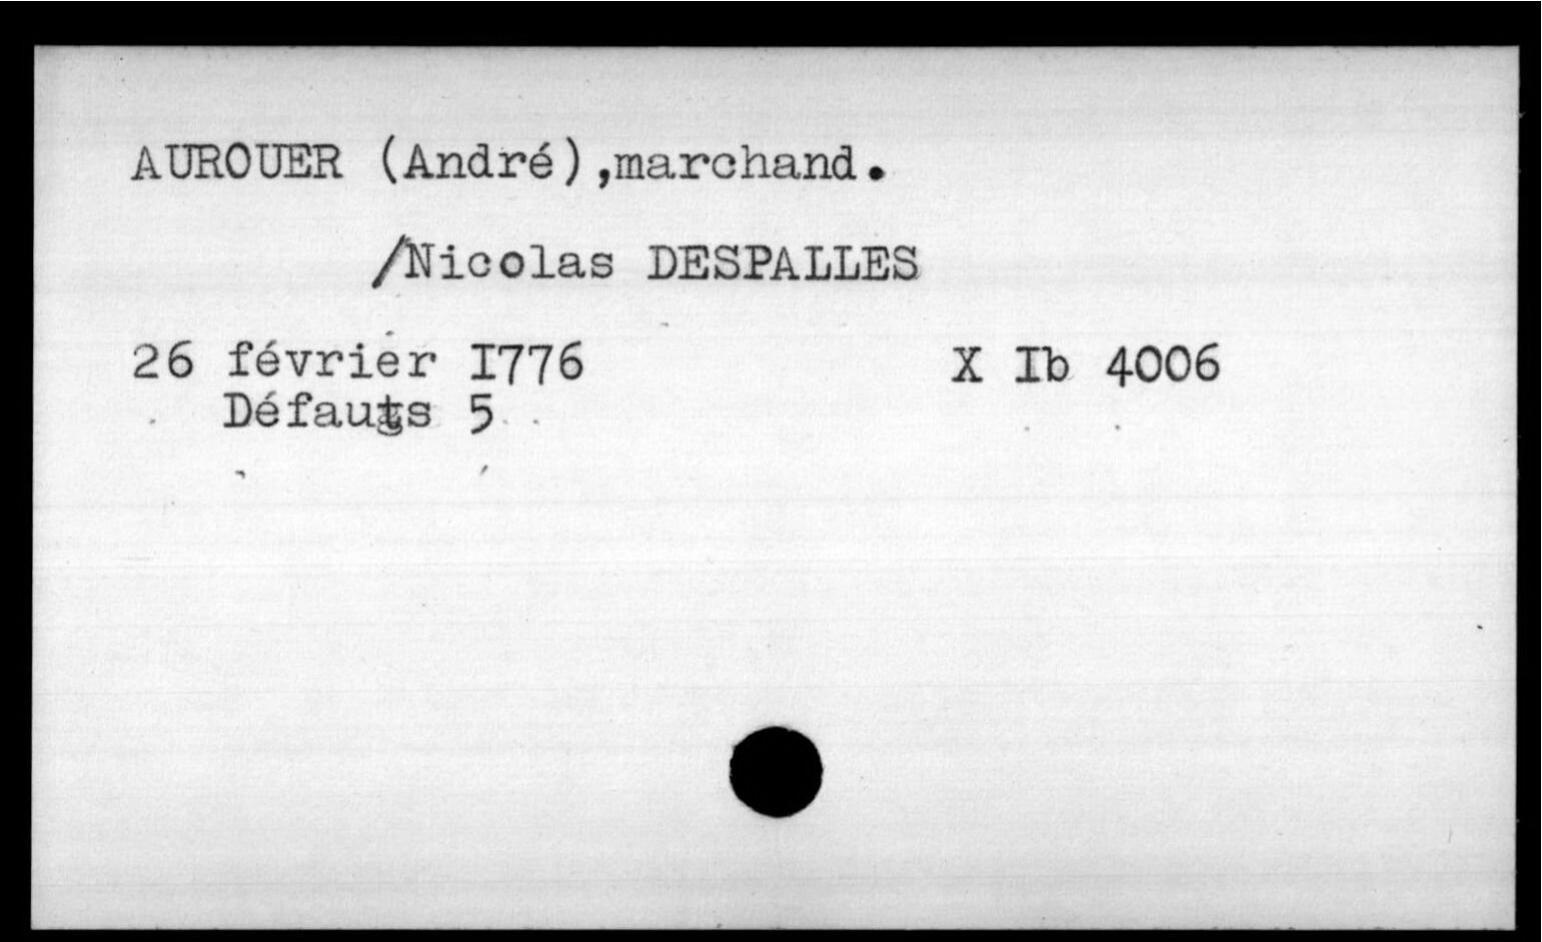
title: AUROUER (André), marchand.
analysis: Contre Nicolas DESPALLES
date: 26 février 1776
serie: X1b
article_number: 4006
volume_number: Défauts, 5
